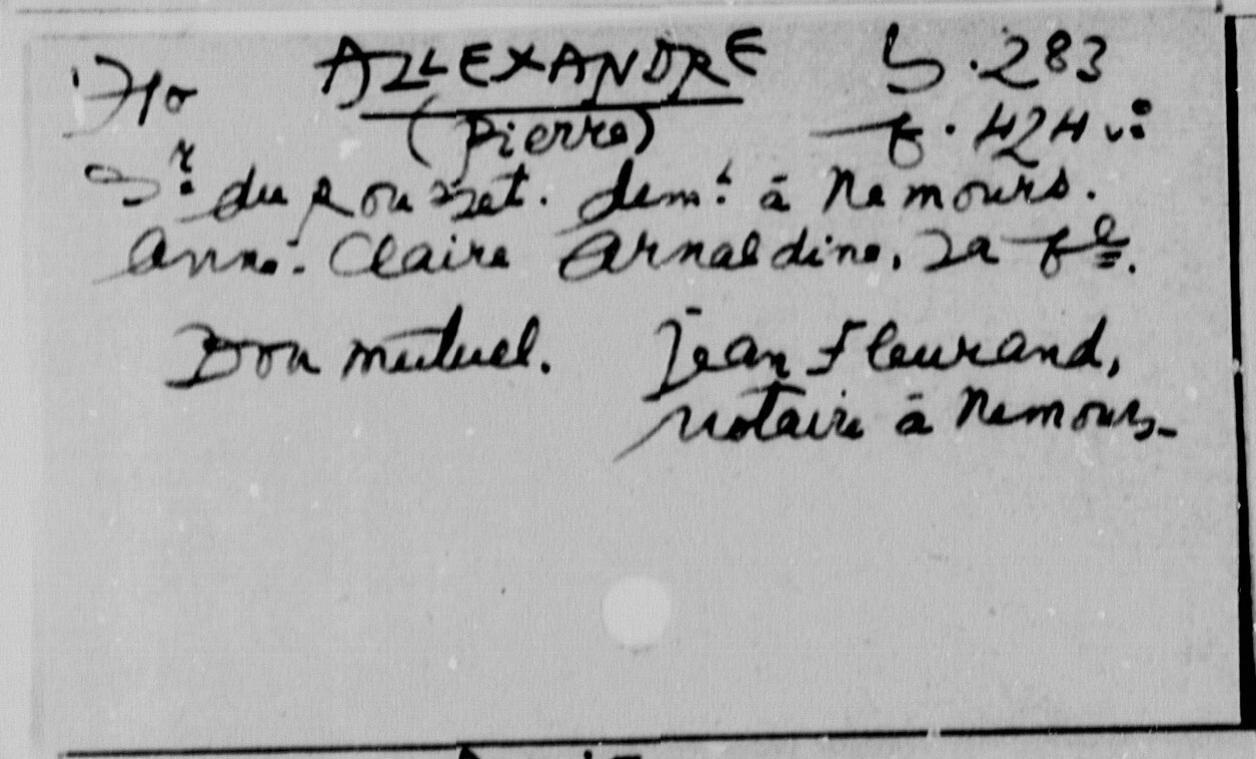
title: ALEXANDRE (Pierre)
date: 1710
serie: Y
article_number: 283
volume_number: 424v
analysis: Seigneur du Rousset, demeurant à Nemours. Anne-Claire Arnaldine, sa femme. Don mutuel. Jean Fleurand, notaire à Nemours.
